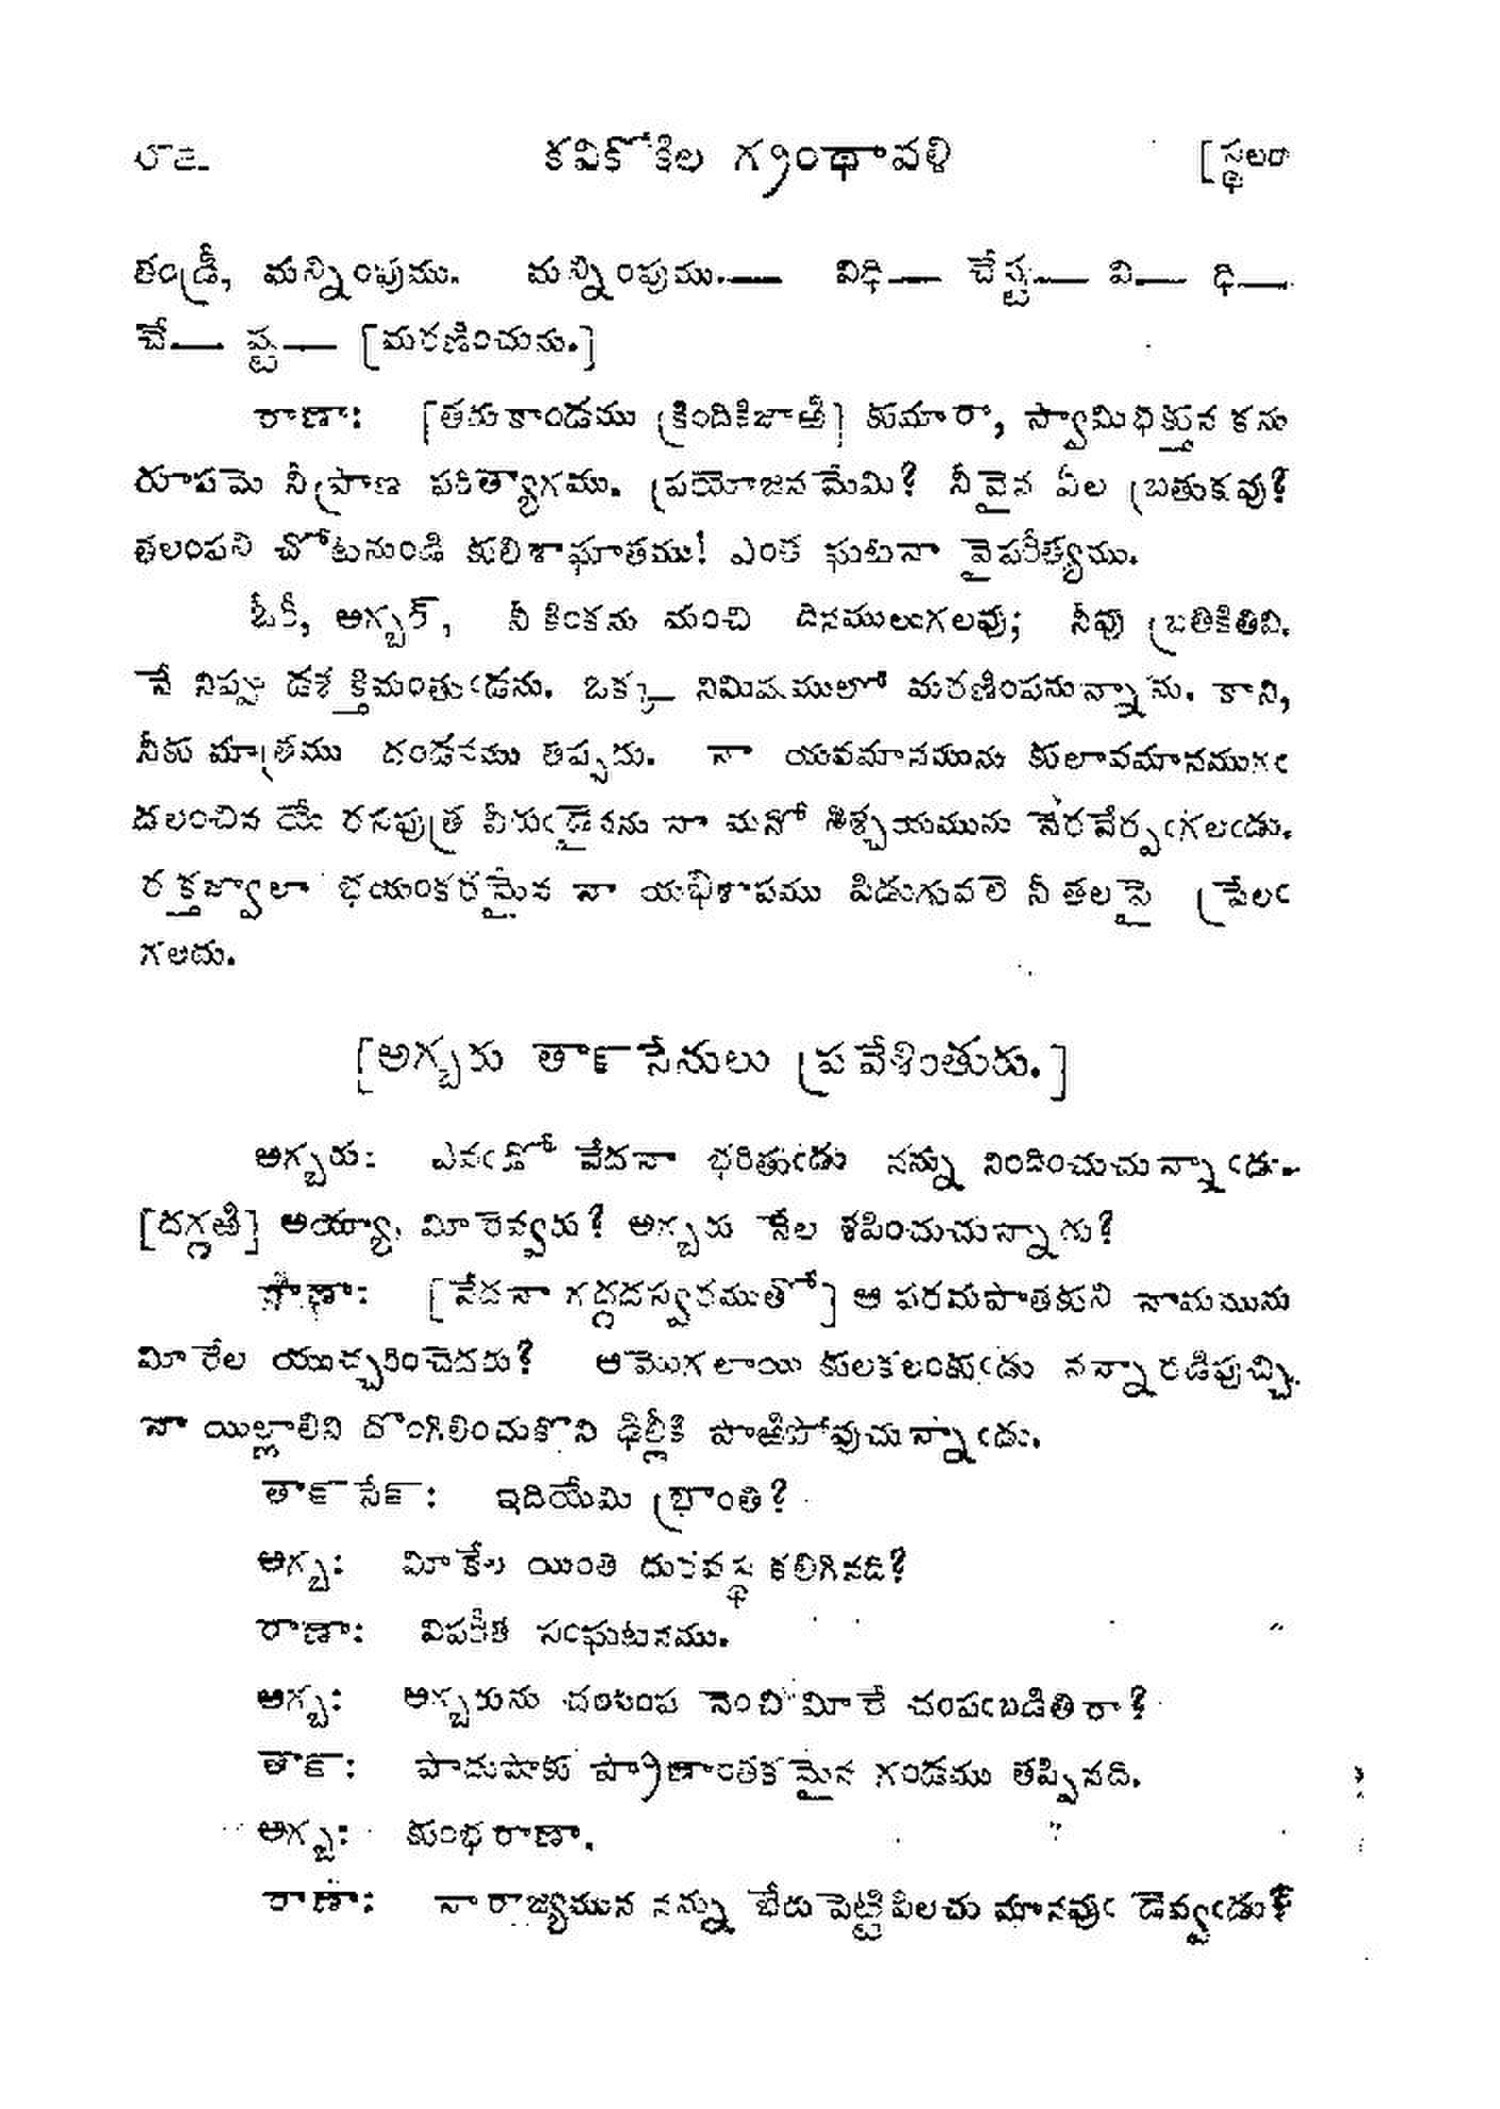తండ్రీ, మన్నింపుము. మన్నింపుము. - విధి - చేష్ట - వి - ధి - చే - ష్ట - [మరణించును.]

రాణా : [తరుకాండము క్రిందికిజాఱి] కుమారా, స్వామిభక్తున కనురూపమె నీప్రాణ పరిత్యాగము, ప్రయోజనమేమి? నావైన ఏల బ్రతుకవు? తలంపని చోటనుండి కులిశాఘాతము! ఎంత ఘటనా వైపరీత్యము.

ఓరీ, అగ్బర్, నీకింకను మంచి దినములుగలవు; నీవు బ్రతికితివి. నే నిప్పు డశక్తిమంతుఁడను. ఒక్క నిమిషములో మరణింపనున్నాను. కాని, నీకుమాత్రము దండనము తప్పదు. నా యవమానమును కులావమానముగఁ దలంచిన యే రసపుత్ర వీరుఁడైనను నా మనో నిశ్చయమును నెరవేర్పఁగలఁడు. రక్తజ్వాలా భయంకరమైన నా యభిశాపము పిడుగువలె నీ తలపై ప్రేలఁ గలదు.

అగ్బరు : ఎవఁడో వేదనా భరితుఁడు నన్ను నిందించుచున్నాఁడు. [దగ్గఱి] అయ్యా. మీ రెవ్వరు? అగ్బరు నేల శపించుచున్నారు?

రాణా : [వేదనా గద్గదస్వరముతో] ఆ పరమపాతకుని నామమును మీ రేల యుచ్చరించెదరు? ఆమొగలాయి కులకలంకుఁడు నన్నారడిపుచ్చి నా యిల్లాలిని దొంగిలించుకొని ఢిల్లీకి పాఱిపోవుచున్నాఁడు.

తాన్‌సేన్ : ఇదియేమి భ్రాంతి ?

అగ్బ : మీకేల యింత దురవస్థ కలిగినది?

రాణా : విపరీత సంఘటనము.

అగ్బ : అగ్బరును చంపింప నెంచి మీరే చంపఁబడితిరా?

తాన్ : పాదుషాకు ప్రాణాంతకమైన గండము తప్పినది.

అగ్బ : కుంభరాణా.

రాణా : నారాజ్యమున నన్ను బేరుపెట్టిపిలచు మానవుఁ డెవ్వడు?